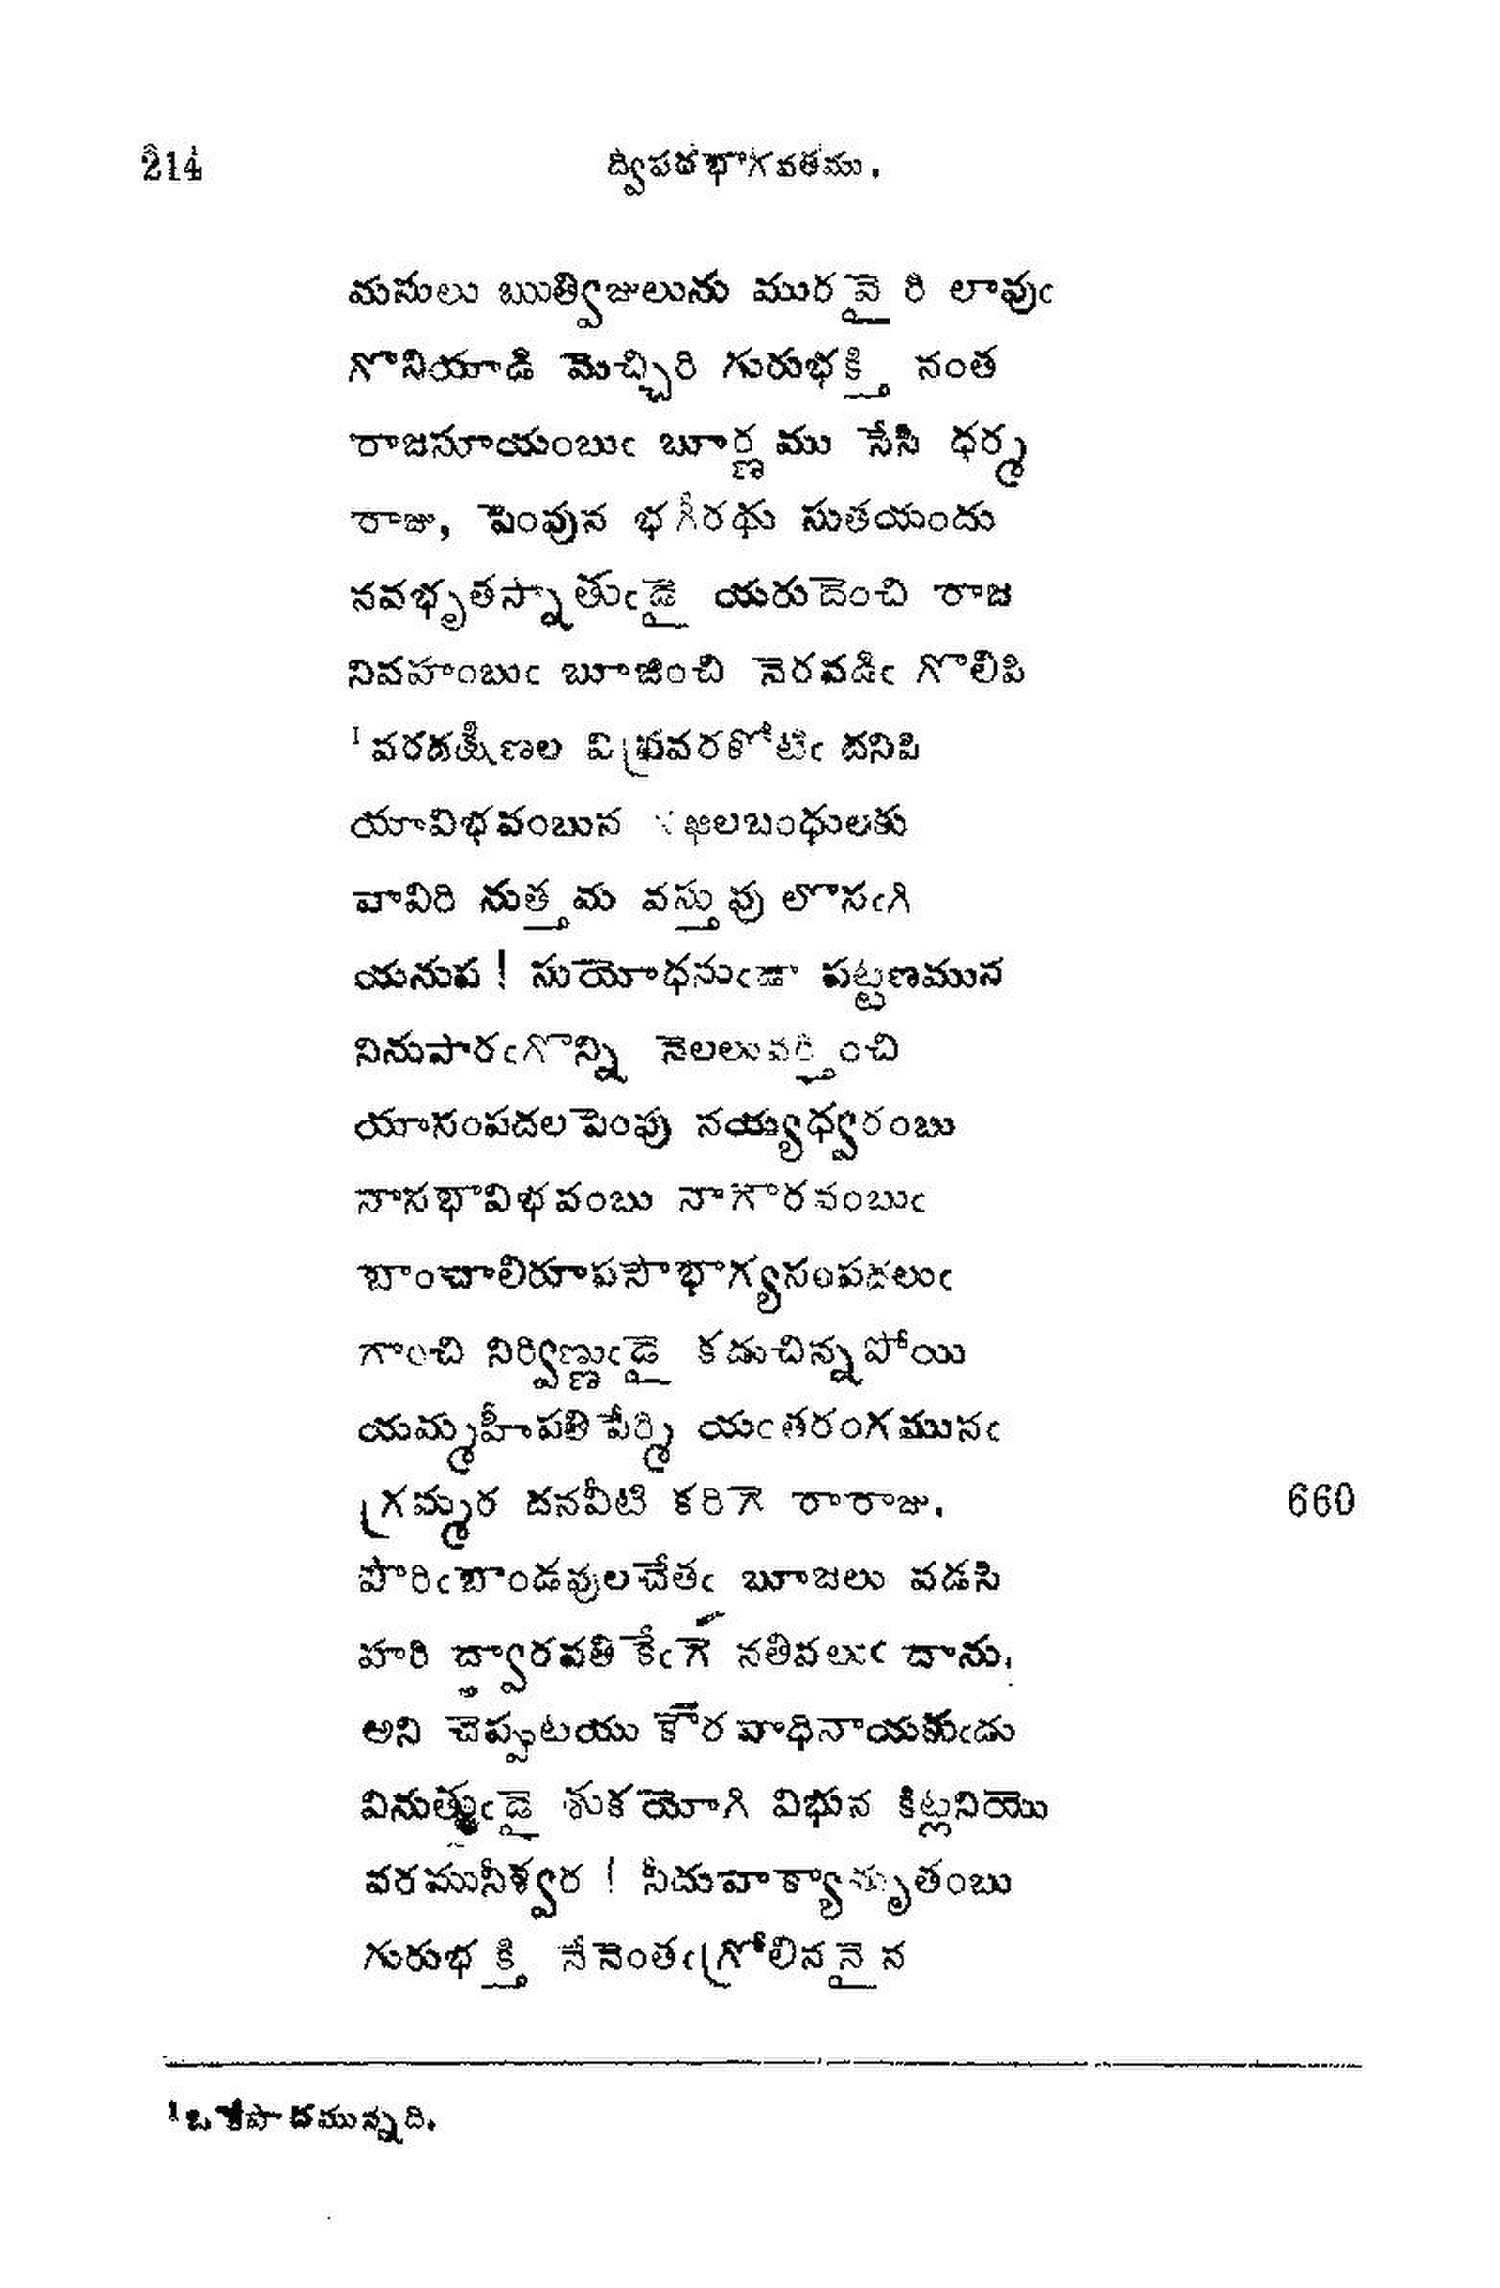మునులు ఋత్విజులునుమురవైరి లావుఁ
గొనియాడి మెచ్చిరి గురుభక్తి నంత
రాజసూయంబుఁ బూర్ణము సేసి ధర్మ
రాజు, పెంపున భగీరథు సుతయందు
నవభృతస్నాతుఁడై యరుదెంచి రాజ
నివహంబుఁ బూజించి నెరవడిఁ గొలిపి
వరదక్షిణల విప్రవరకోటిఁ దనిపి
యావిభవంబున నఖిలబంధులకు
వావిరి నుత్తమవస్తువు లొసఁగి
యనుప! సుయోధనుఁ డా పట్టణమున
నినుపారఁ గొన్నినెలలు వర్తించి
యాసంపదల పెంపు నయ్యధ్వరంబు
నాసభావిభవంబు నాగౌరవంబుఁ
బాంచాలి రూపసౌభాగ్యసంపదలుఁ
గాంచి నిర్విణ్ణుఁడై కడు చిన్నపోయి
యమ్మహీపతిపేర్మి యంతరంగమునఁ 
గ్రమ్మర దనవీటి కరిగె రారాజు.
పొరిఁ బాండవులచేతఁ బూజలు వడసి
హరి ద్వారవతి కేఁగె నతివలుఁ దాను.” 
అని చెప్పుటయు కౌరవాధినాయకుఁడు
వినుతుఁడై శుకయోగి విభున కిట్లనియె
“వరమునీశ్వర! నీదువాక్యామృతంబు
గురుభక్తి నెంతఁయు గ్రోలిననైన